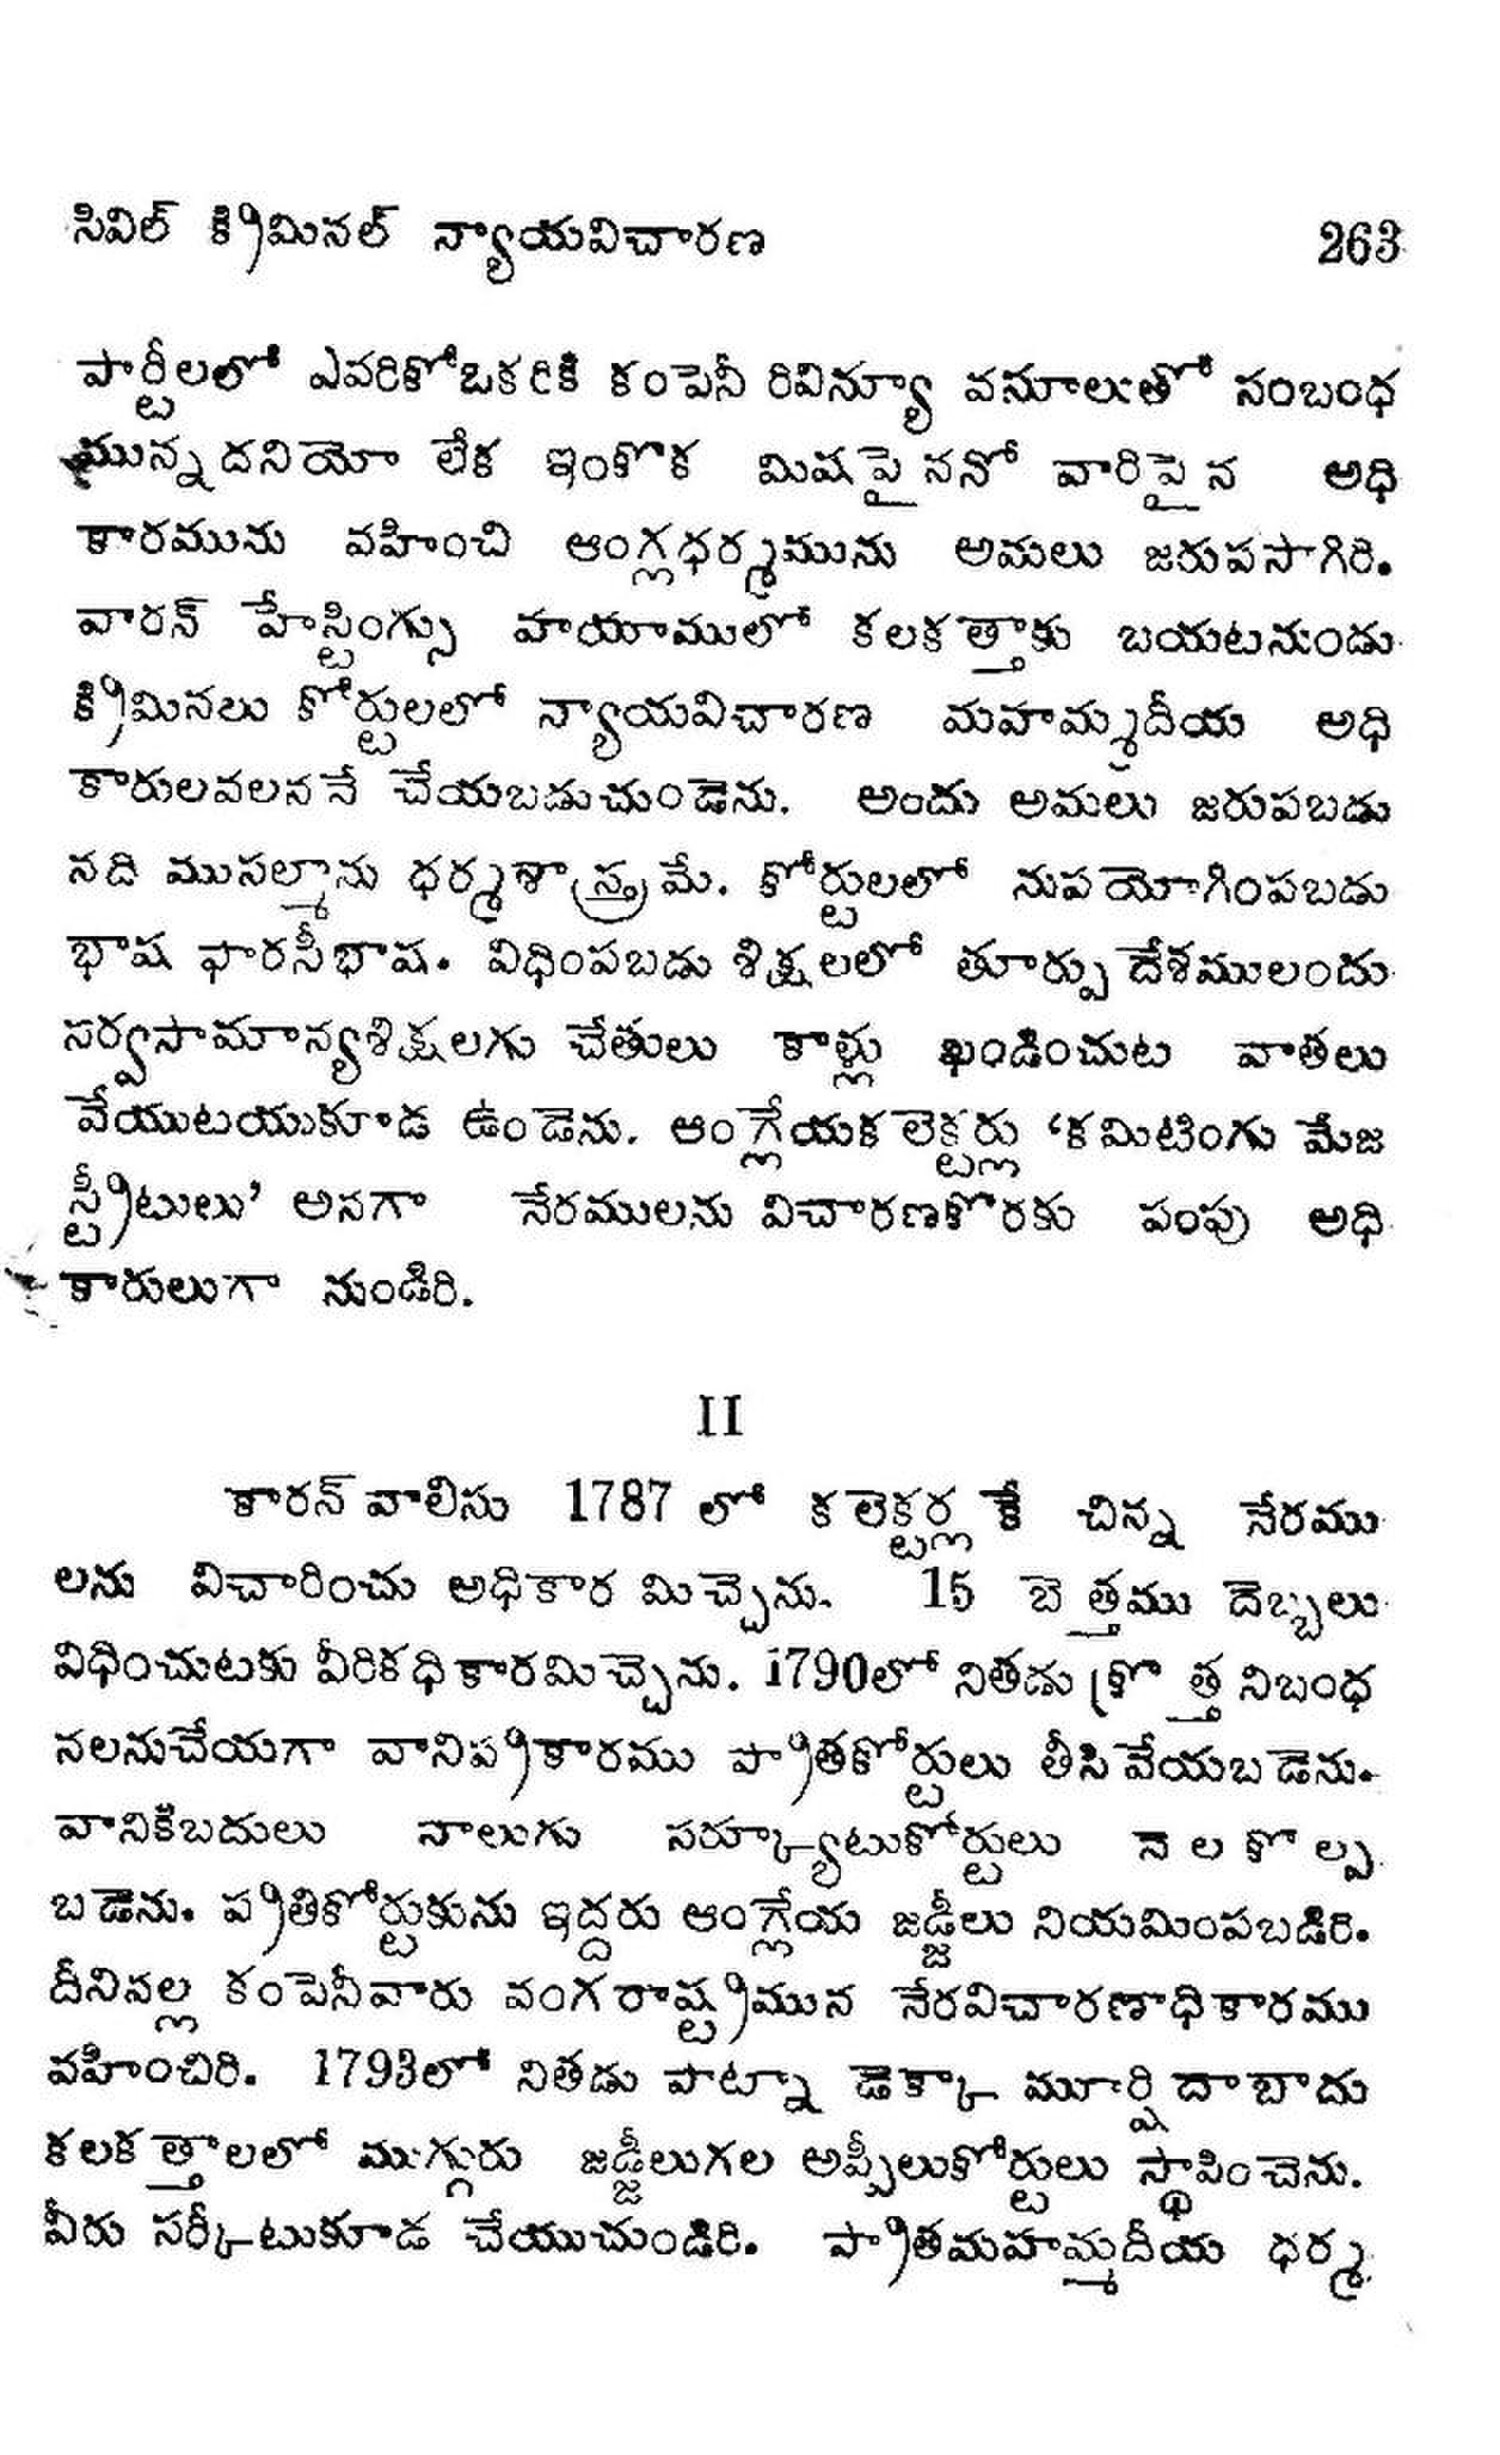పార్టీలలో ఎవరికోఒకరికి కంపెనీ రివిన్యూ వసూలతో సంబంధమున్నదనియో లేక ఇంకొక మిషపైననో వారిపైన అధికారమును వహించి ఆంగ్లధర్మమును అమలు జరుపసాగిరి. వారన్ హేస్టింగ్సు హయాములో కలకత్తాకు బయటనుండు క్రిమినలు కోర్టులలో న్యాయవిచారణ మహమ్మదీయ అధికారులవలననే చేయబడుచుండెను. అందు అమలు జరుపబడునది ముసల్మాను ధర్మశాస్త్రమే. కోర్టులలో నుపయోగింపబడు భాష ఫారసీభాష. విధింపబడు శిక్షలలో తూర్పుదేశములందు సర్వసామాన్యశిక్షలగు చేతులు కాళ్లు ఖండించుట వాతలు వేయుటయుకూడ ఉండెను. ఆంగ్లేయకలెక్టర్లు 'కమిటింగు మేజస్ట్రీటులు' అనగా నేరములను విచారణకొరకు పంపు అధికారులుగా నుండిరి.

II

కారన్ వాలిసు 1787 లో కలెక్టర్ల కే చిన్న నేరములను విచారించు అధికార మిచ్చెను. 15 బెత్తము దెబ్బలు విధించుటకు వీరికధికారమిచ్చెను. 1790లో నితడు క్రొత్తనిబంధనలనుచేయగా వానిప్రకారము ప్రాతకోర్టులు తీసివేయబడెను. వానికిబదులు నాలుగు సర్క్యూటుకోర్టులు నెలకొల్పబడెను. ప్రతికోర్టుకును ఇద్దరు ఆంగ్లేయ జడ్జీలు నియమింపబడిరి. దీనివల్ల కంపెనీవారు వంగరాష్ట్రమున నేరవిచారణాధికారము వహించిరి. 1793లో నితడు పాట్నా డెక్కా మూర్షిదాబాదు కలకత్తాలలో ముగ్గురు జడ్జీలుగల అప్పీలుకోర్టులు స్థాపించెను. వీరు సర్కీటుకూడ చేయుచుండిరి. ప్రాతమహమ్మదీయ ధర్మ